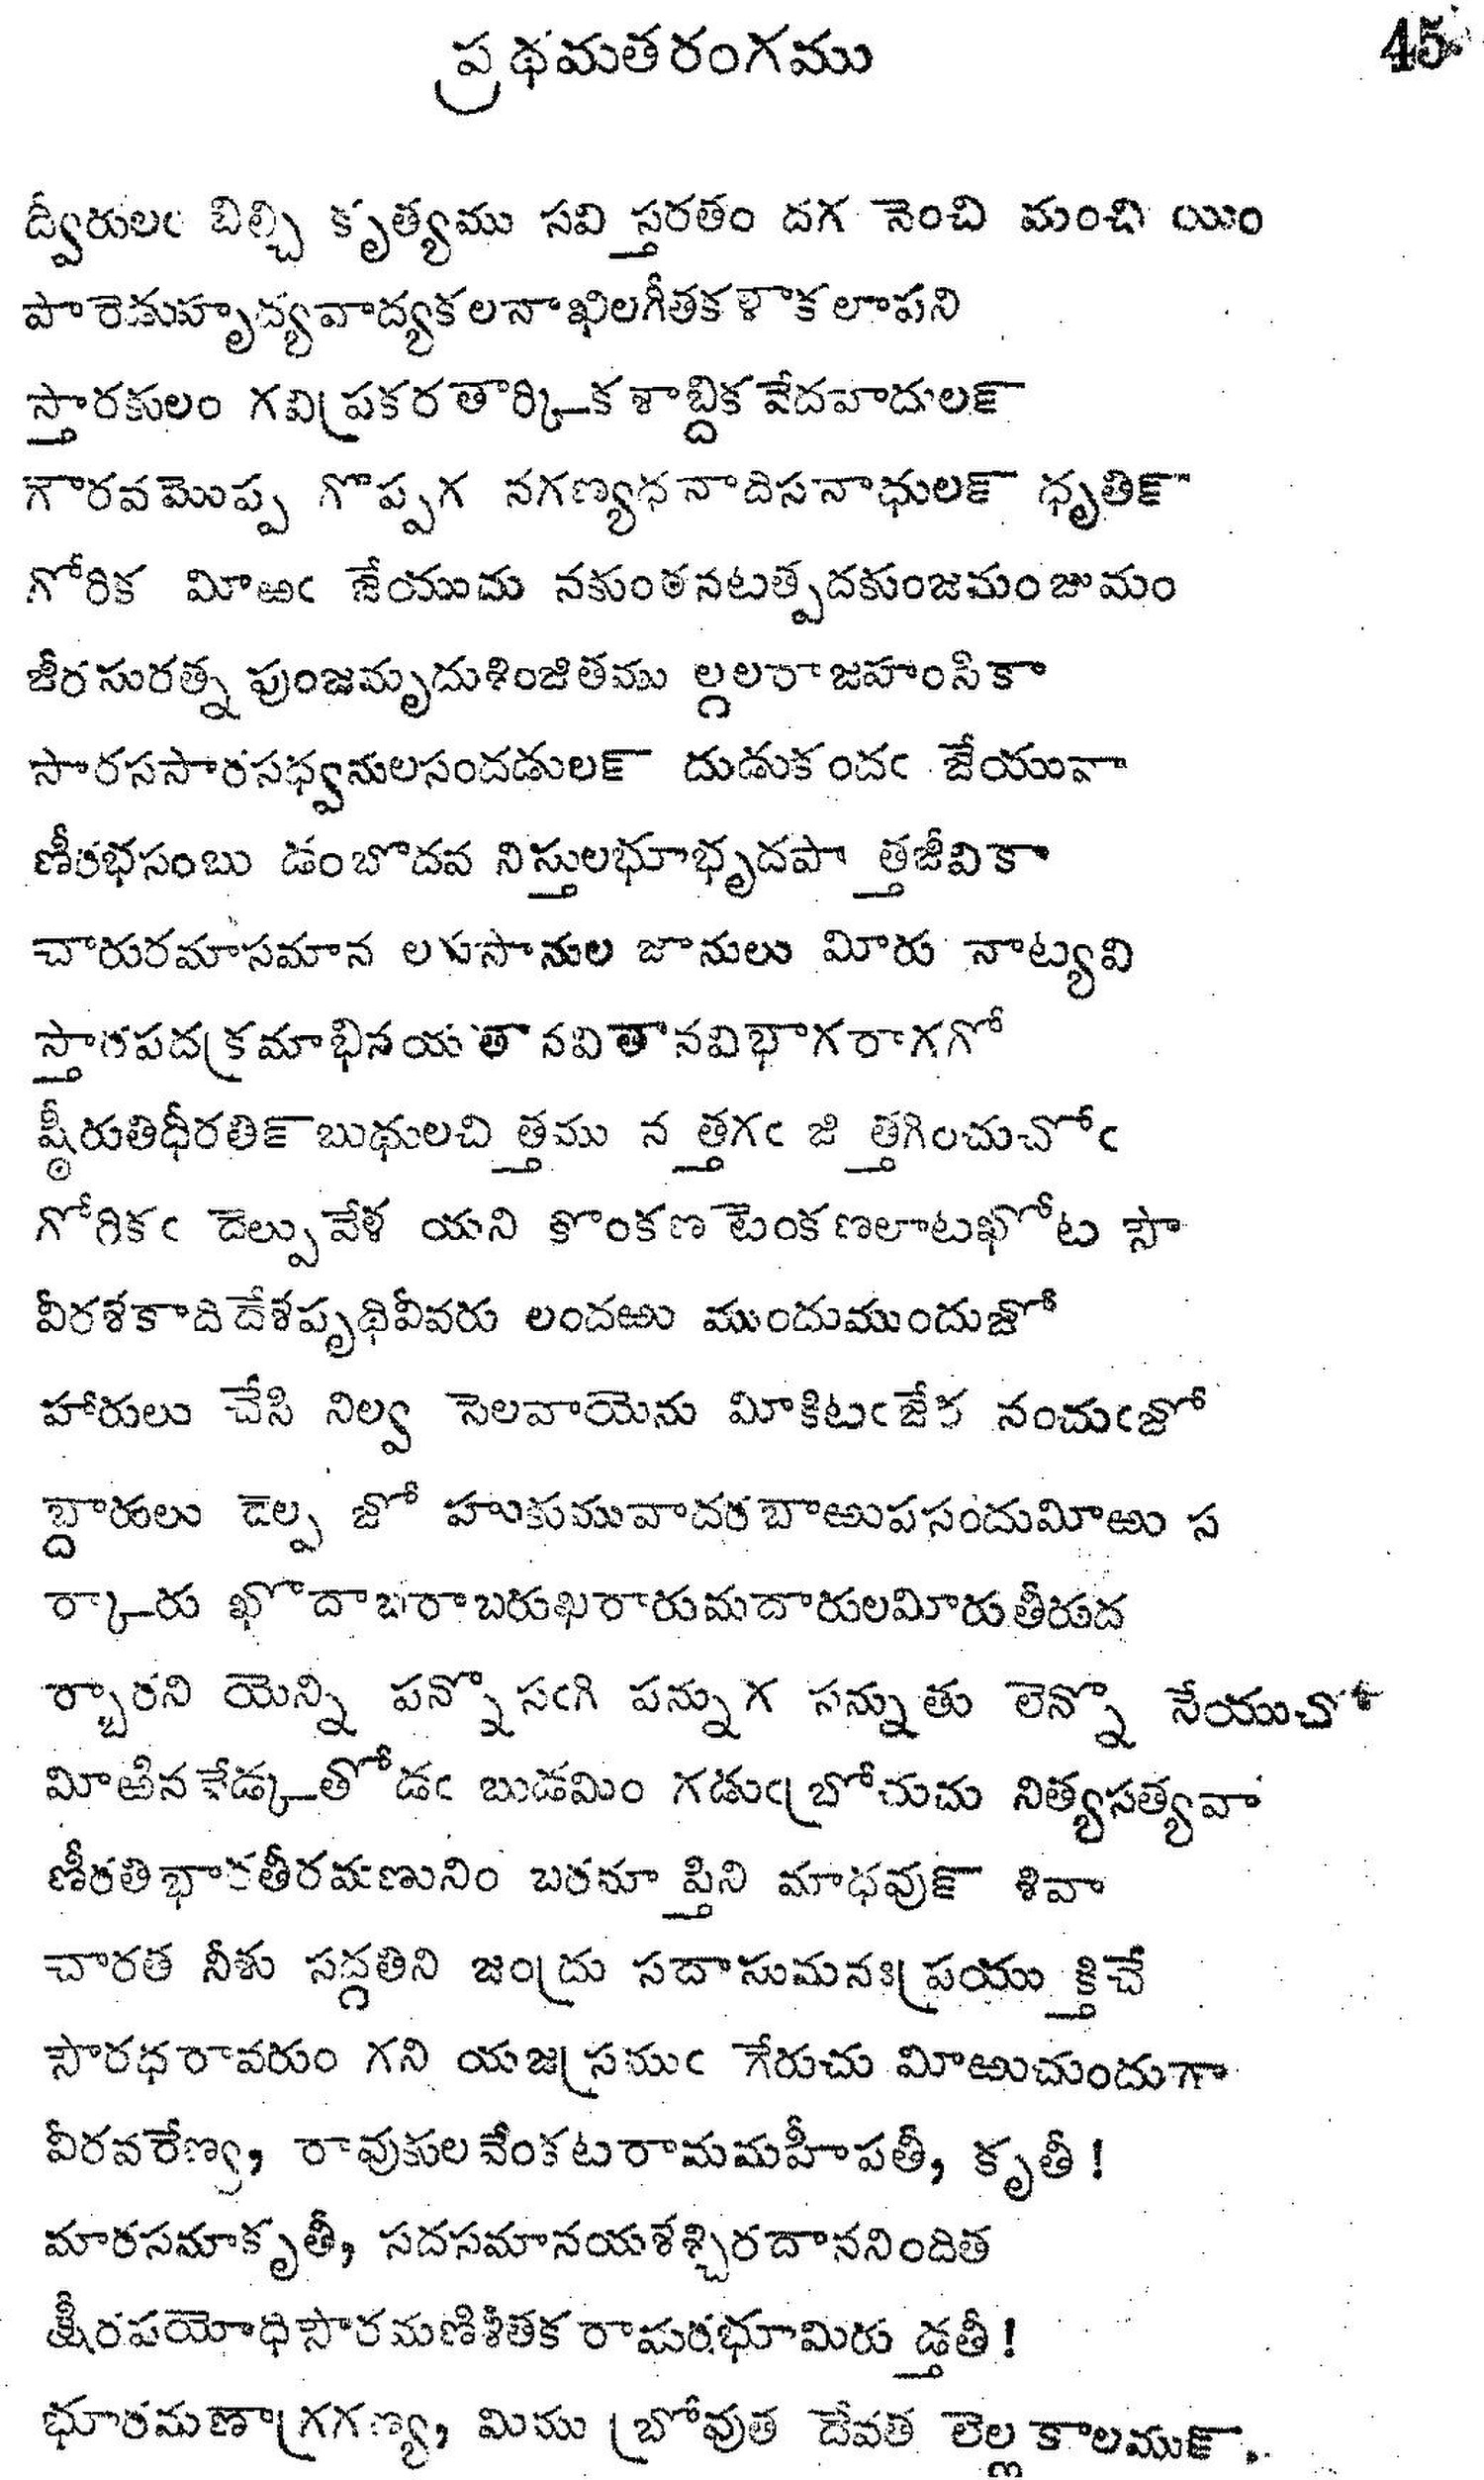ద్వీరులఁ బిల్చి కృత్యము సవిస్తరతం దగ నెంచి మంచి యిం
 పారెడుహృద్యవాద్యకలనాకిలగీతకళాకలాపని
 స్తారకులం గవిప్రకరతార్కికశాబ్దికవేదవాదులన్
 గౌరవమొప్ప గొప్పగ నగణ్యధనాదిసనాధులన్ ధృతిన్
 గోరిక మీఱఁ జేయుచు నకుంఠనటత్పదకుంజమంజుమం
 జీరసురత్నపుంజమృదుశింజితము ల్గలరాజహంసికా
 సారససారసధ్వనులసందడులన్ దుడుకందఁ జేయువా
 ణీరభసంబు డంబొదవ నిస్తులభూభృదపాత్తజీవికా
 చారురమాసమాన లగుసానుల జానులు మీరు నాట్యవి
 స్తారపదక్రమాభినయతానవితానవిభాగరాగగో
 ష్ఠీరుతిధీరతిన్ బుధులచిత్తము నత్తగఁ జిత్తగించుచోఁ
 గోరికఁ దెల్పువేళ యని కొంకణటెంకణలాటఖోట సౌ
 వీరశకాదిదేశపృథివీవరు లందఱు ముందుముందుజో
 హారులు చేసి నిల్వ సెలవాయెను మీకిటఁజేర నంచుఁజో
 బ్దారులు దెల్ప జో హుకుమువాదరబాఱుపసందుమీఱు స
 ర్కారు ఖొదాబరాబరుఖరారుమదారులమీరుతీరుద
 ర్బారని యెన్ని పన్నొసఁగి పన్నుగ సన్నుతు లెన్నొ సేయుచో
 మీఱినవేడ్కతోడఁ బుడమిం గడుఁబ్రోచుచు నిత్యసత్యవా
 ణీరతిభారతీరమణునిం బరమాప్తిని మాధవున్ శివా
 చారత నీశు సద్గతిని జంద్రు సదాసుమనఃప్రయుక్తిచో
 సౌరదారావరుం గని యజస్రముఁ గేరుచు మీఱుచుందుగా
 వీరవరేణ్య, రావుకులవేంకటరామమహీపతీ, కృతీ!
 మారసమాకృతీ, సదసమానయశశ్చిరదాననిందిత
 క్షీరపయోధిసౌరమణిశీతకరామరభూమిరుడ్తతీ!
 భూరమణాగ్రగణ్య, మిము బ్రోవుత దేవత లెల్లకాలమున్.